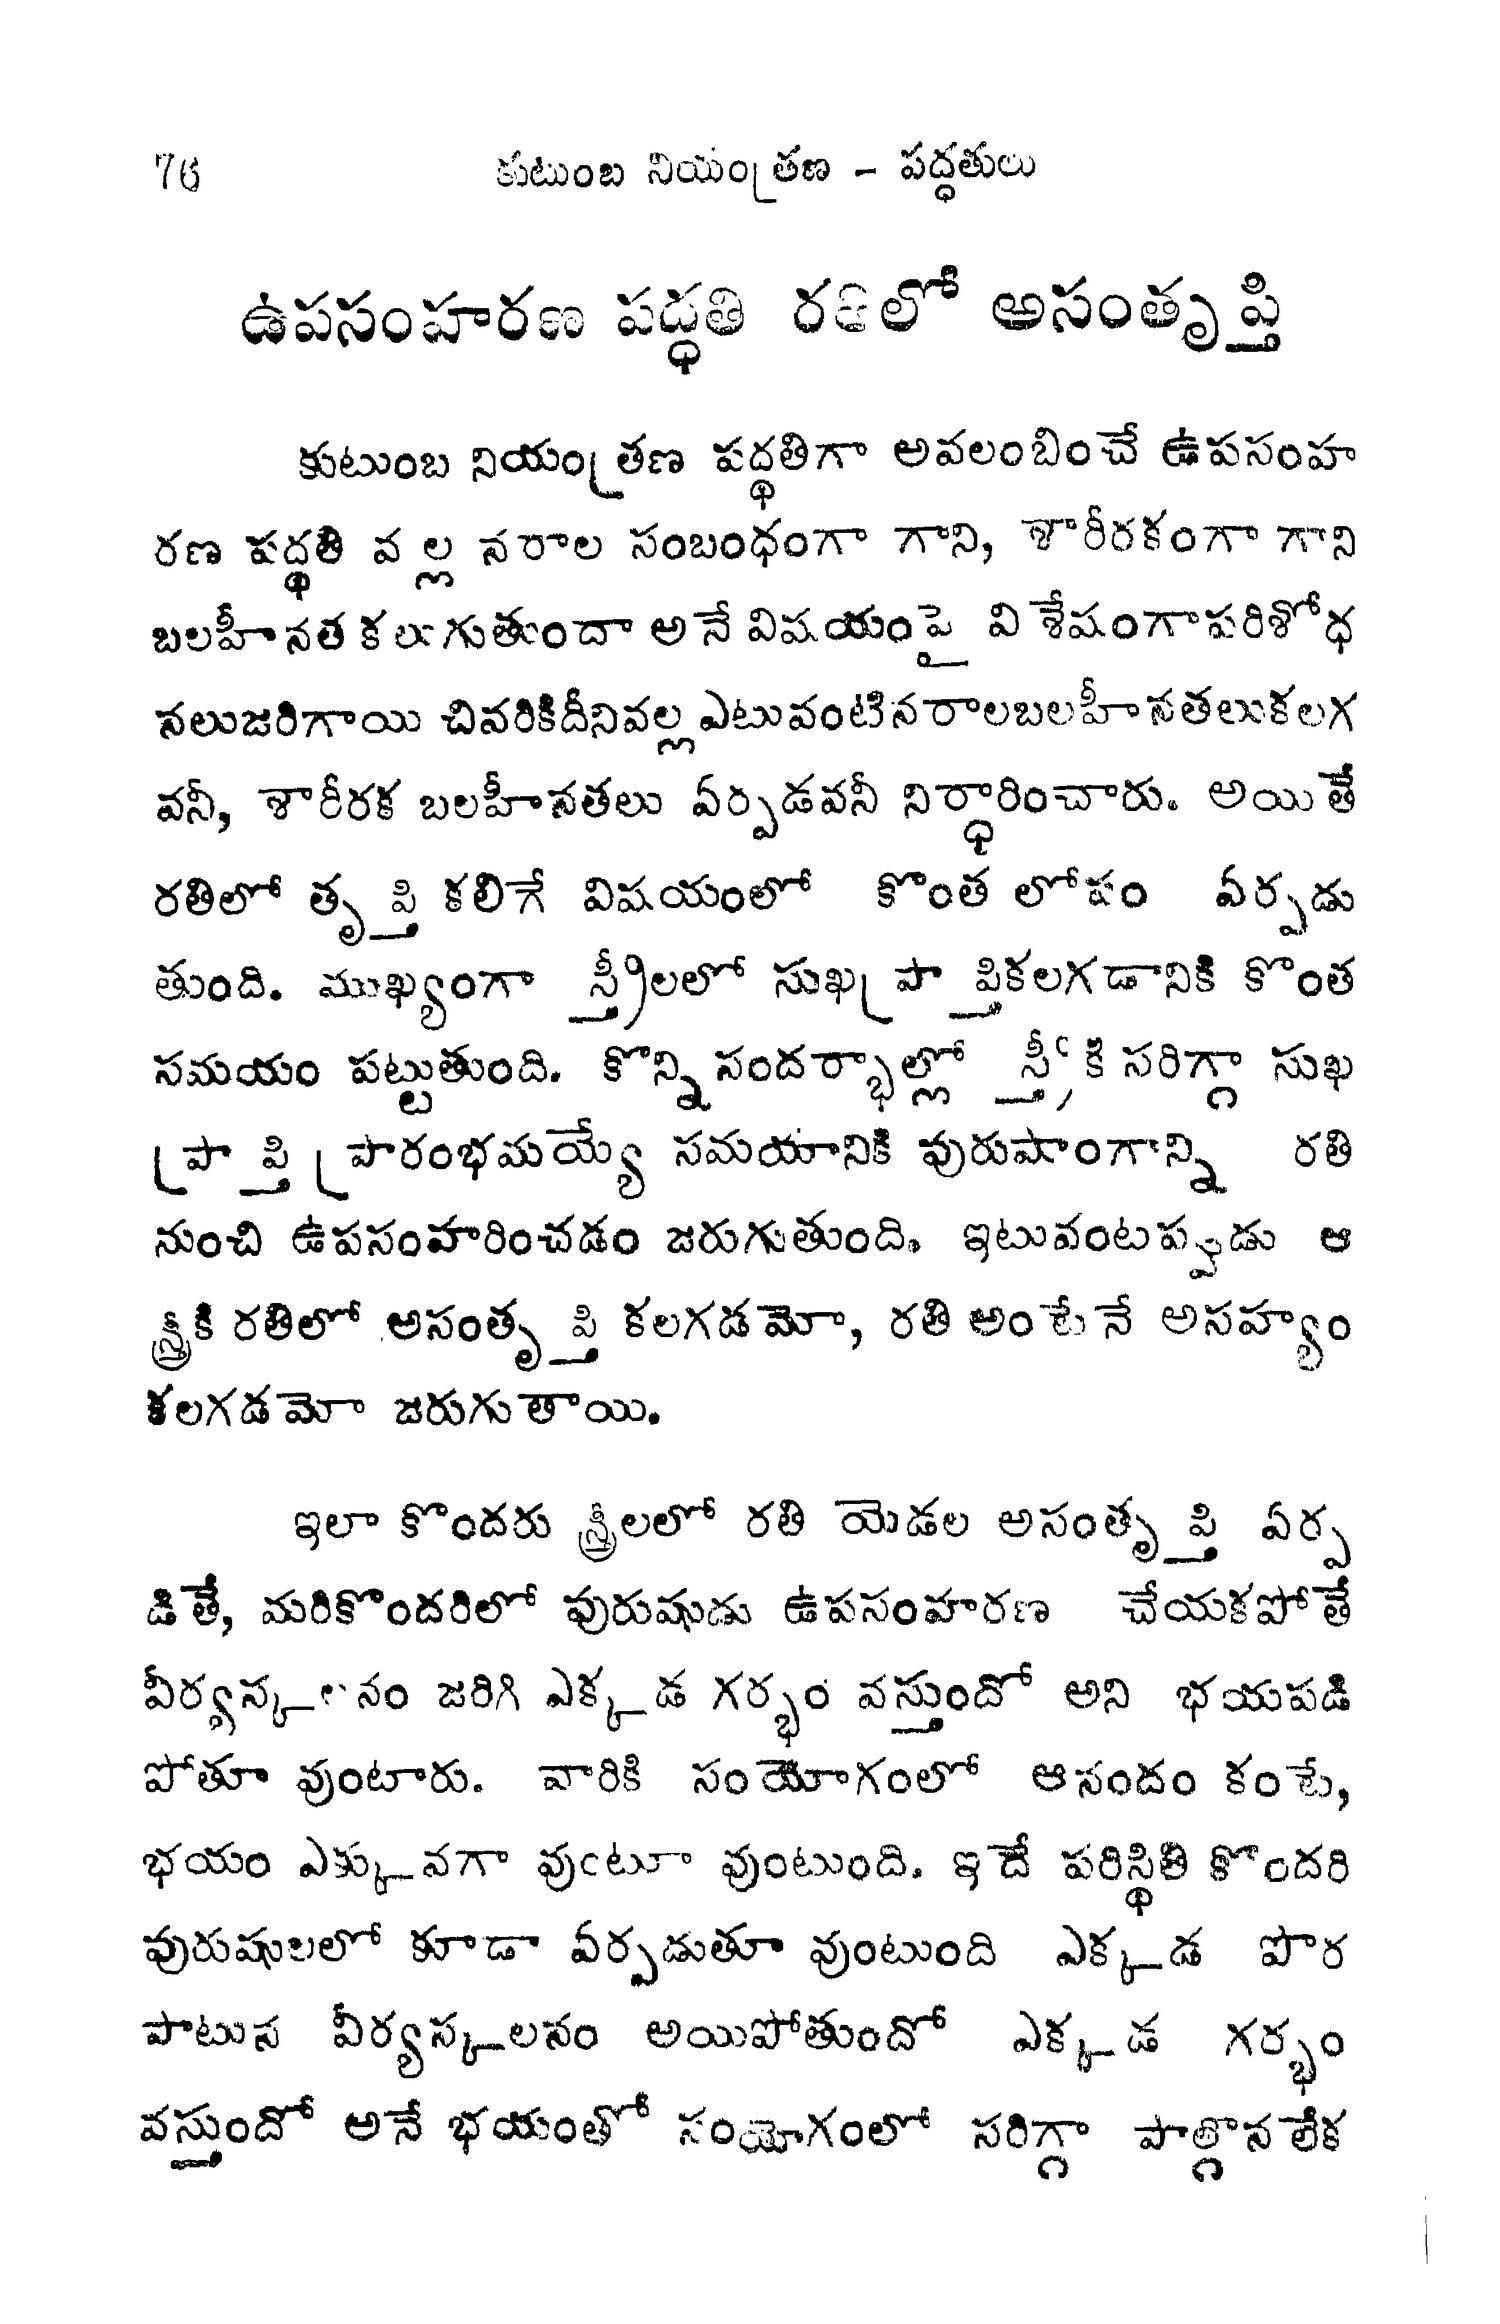కుటుంబ నియంత్రణ పద్ధతిగా అవలంబించే ఉపసంహరణ పద్ధతి వల్ల నరాల సంబంధంగా గాని, శారీరకంగా గాని బలహీనత కలుగుతుందా అనే విషయంపై విశేషంగా పరిశోధనలుజరిగాయి చివరికి దీనివల్లఎటువంటినరాల బలహీనతలు కలగవనీ, శారీరకబలహీనతలు ఏర్పడవనీ నిర్ధారించారు. అయితే రతిలో తృప్తి కలిగే విషయంలో కొంత లోపం ఏర్పడుతుంది. ముఖ్యంగా స్త్రీలలో సుఖప్రాప్తికలగడానికి కొంత సమయం పట్టుతుంది. కొన్ని సందర్బాల్లో స్త్రీకి సరిగ్గా సుఖప్రాప్తి ప్రారంభమయ్యే సమయానికి పురుషాంగాన్ని రతి నుంచి ఉపసంహరించడం జరుగుతుంది. ఇటువంటప్పుడు ఆ స్త్రీకి రతిలో అసంతృప్తి కలగడమో, రతి అంటేనె అసహ్యం కలగడమో జరుగుతాయి.

ఇలా కొందరు స్త్రీలలో రతి యెడల అసంతృప్తి ఏర్పడితే, మరికొందరిలో పురుషుడు ఉపసంహరణ చేయకపోతే వీర్యస్కలనం జరిగి ఎక్కడ గర్భం వస్తుందో అని భయపడి పోతూ వుంటారు. వారికి సంయోగంలో ఆనందం కంటే, భయం ఎక్కువగా వుంటూ వుంటుంది. ఇదే పరిస్థితి కొందరి పురుషులలో కూడా ఏర్పడుతూ వుంటుంది. ఎక్కడ పొరపాటున వీర్యస్కలనం అయిపోతుందో ఎక్కడ గర్భం వస్తుందో అనే భయంతో సంయోగంలో సరిగ్గా పాల్గొనలేక